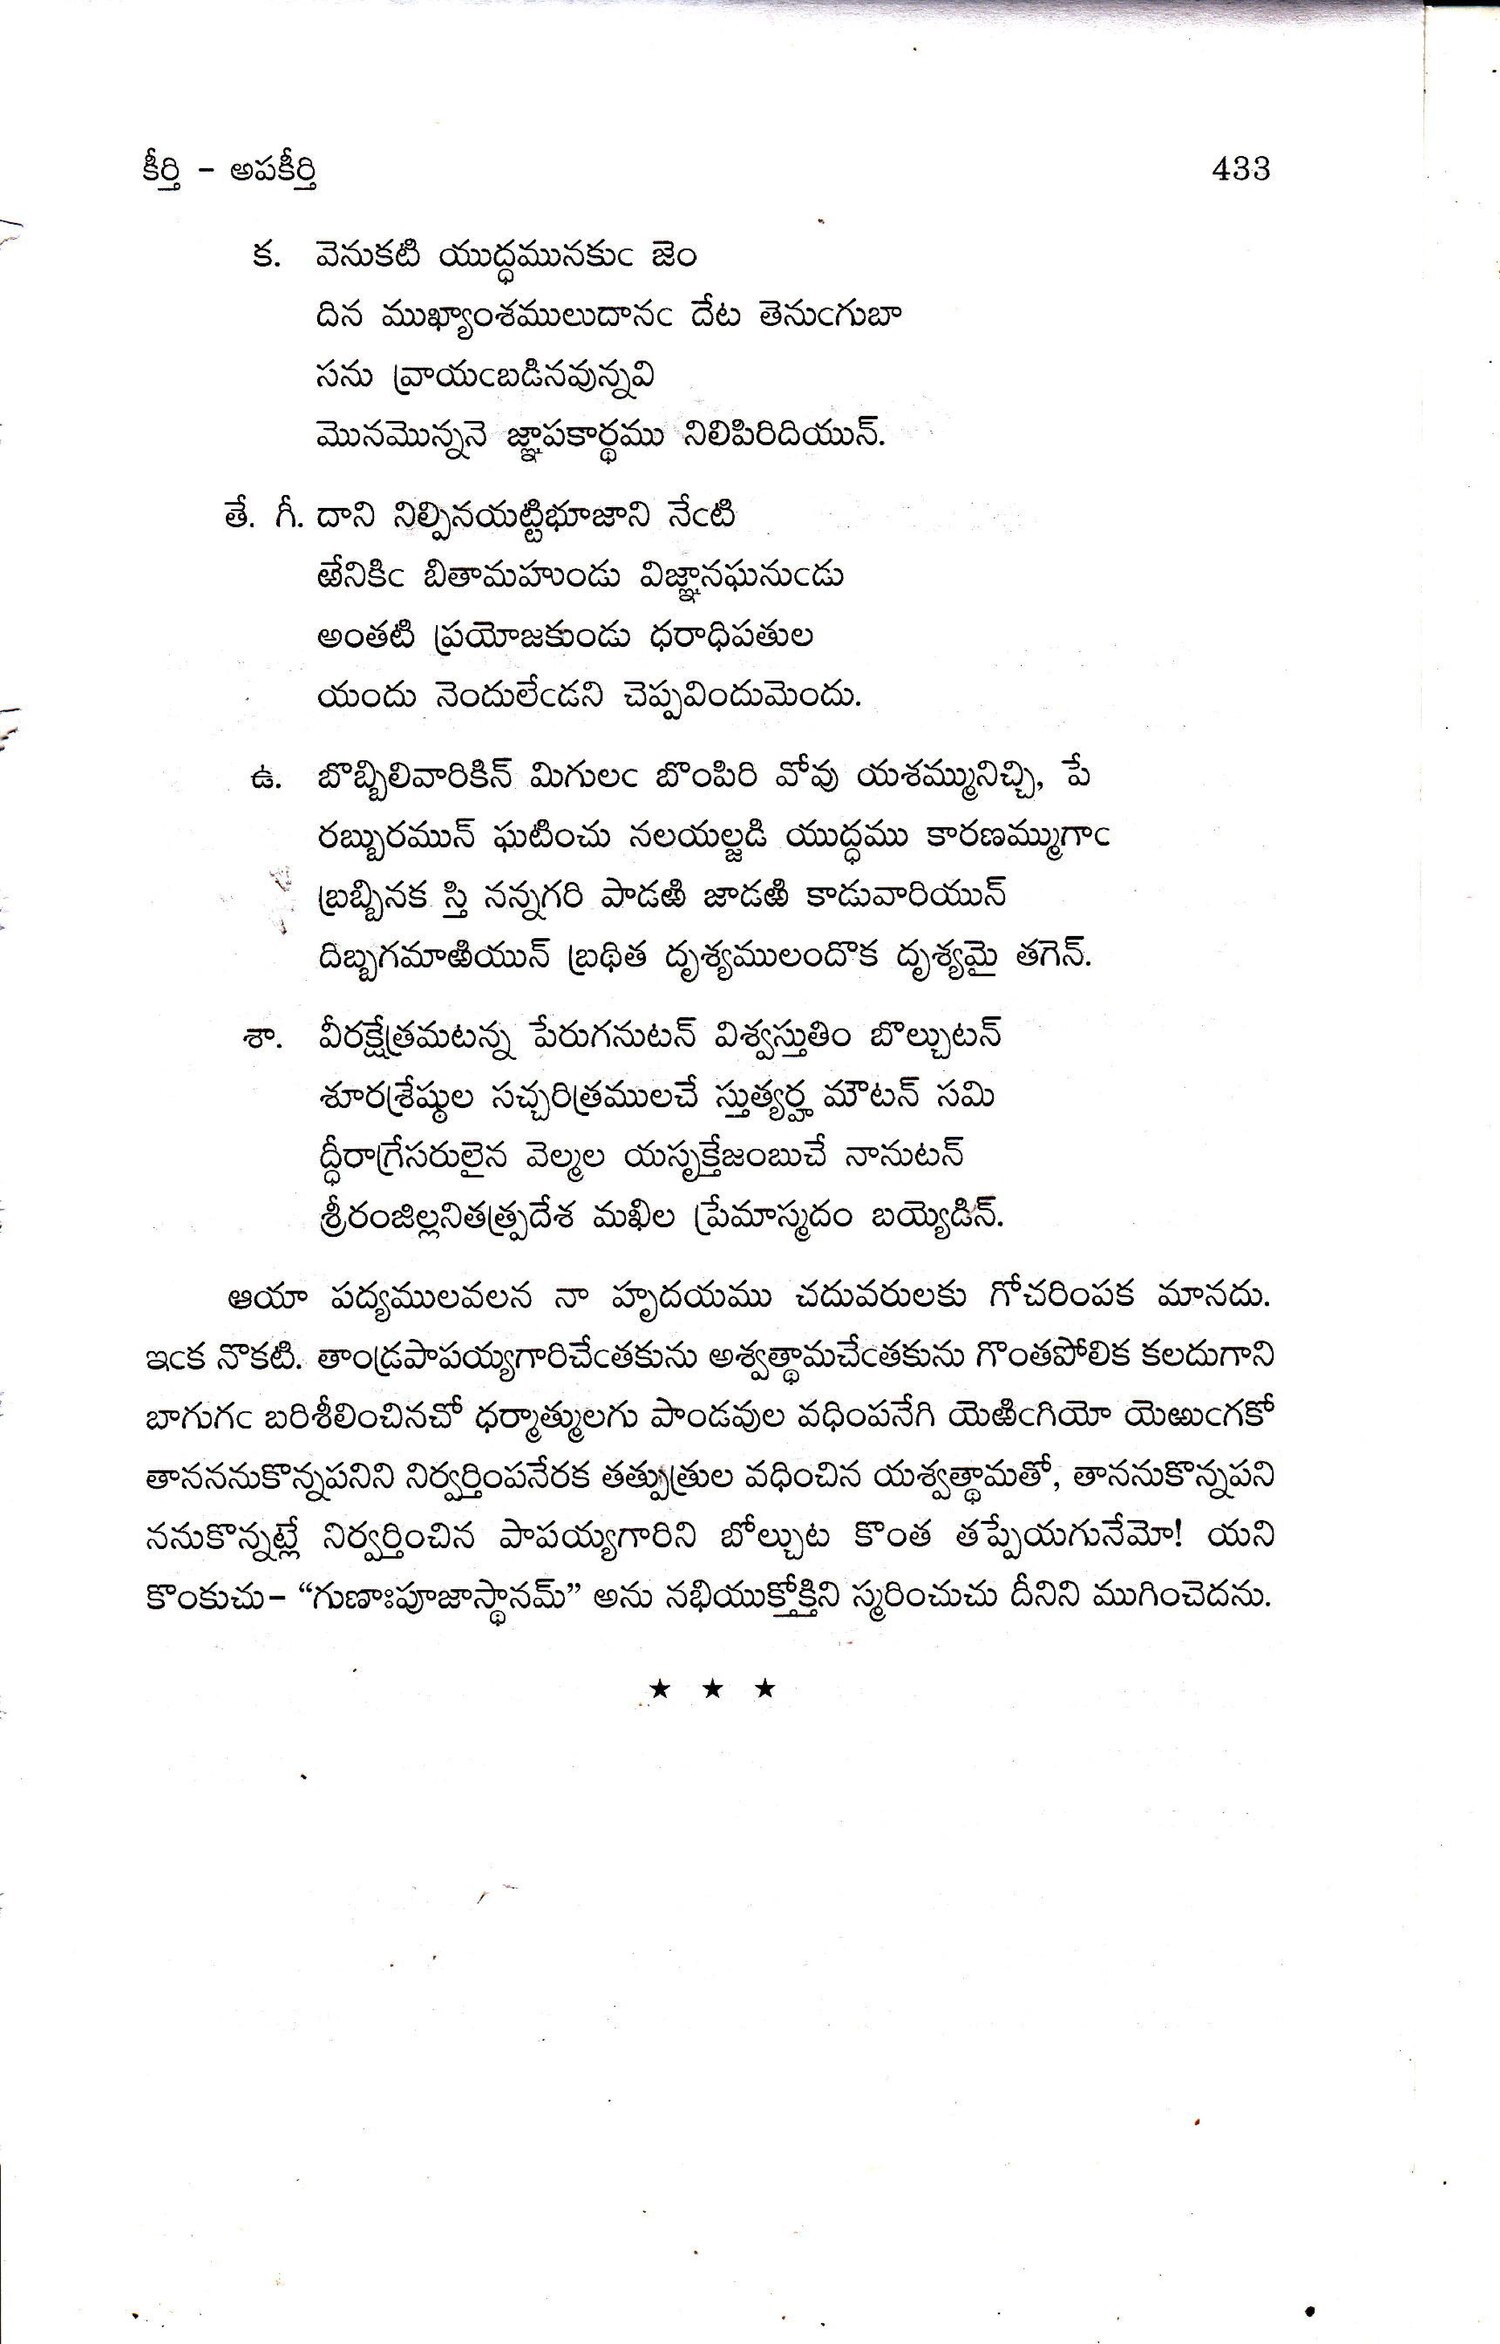క. వెనుకటి యుద్ధమునకుఁ జెం
 దిన ముఖ్యాంశములుదానఁ దేట తెనుఁగుబా 
 సను వ్రాయఁబడినవున్నవి 
 మొనమొన్ననె జ్ఞాపకార్ధము నిలిపిరిదియున్.

తే. గీ. దాని నిల్పినయట్టిభూజాని నేఁటి
 ఱేనికిఁ బితామహుండు విజ్ఞానఘనుఁడు 
 అంతటి ప్రయోజకుండు ధరాధిపతుల 
 యందు నెందులేఁడని చెప్పవిందుమెందు.

ఉ. బొబ్బిలివారికిన్ మిగులఁ బొంపిరి వోవు యశమ్మనిచ్చి, పే
 రబ్బరమున్ ఘటించు నలయల్జడి యుద్ధము కారణమ్ముగాఁ
 బ్రబ్బినక స్తి నన్నగరి పాడఱి జాడఱి కాడువారియన్ 
 దిబ్బగమాఱియున్ బ్రథిత దృశ్యములందొక దృశ్యమై తగెన్.

శా. వీరక్షేత్రమటన్న పేరుగనుటన్ విశ్వస్తుతిం బొల్చుటన్ 
 శూరశ్రేష్ఠుల సచ్చరిత్రములచే స్తుత్యర్హ మౌటన్ సమి 
 ద్దీరాగ్రేసరులైన వెల్మల యసృక్తేజంబుచే నానుటన్ 
 శ్రీరంజిల్లనితత్ప్రదేశ మఖిల ప్రేమాస్మదం బయ్యెడిన్.
ఆయా పద్యములవలన నా హృదయము చదువరులకు గోచరింపక మానదు. ఇఁక నొకటి. తాండ్రపాపయ్యగారిచేఁతకును అశ్వత్థామచేఁతకును గొంతపోలిక కలదుగాని బాగుగఁ బరిశీలించినచో ధర్మాత్ములగు పాండవుల వధింపనేగి యెఱిఁగియో యెఱుఁగకో తానననుకొన్నపనిని నిర్వర్తింపనేరక తత్పుత్రుల వధించిన యశ్వత్థామతో, తాననుకొన్నపని ననుకొన్నట్లే నిర్వర్తించిన పాపయ్యగారిని బోల్చుట కొంత తప్పేయగునేమో! యని కొంకుచు- "గుణాఃపూజాస్థానమ్” అను నభియుక్తోక్తిని స్మరించుచు దీనిని ముగించెదను.